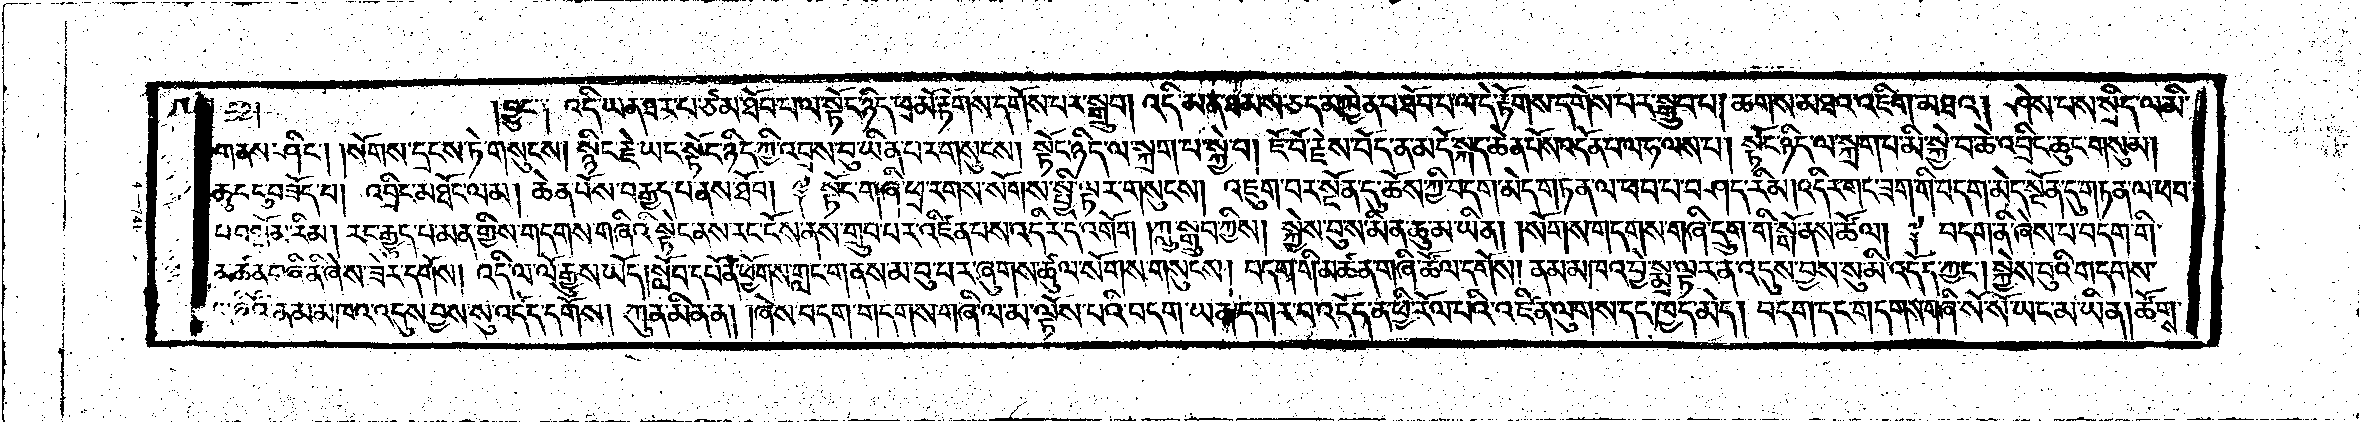༄༅། །བྱུང༑ འདི་ཡན་ཐར་པ་ཙམ་ཐོབ་པ་ལ་སྟོང་ཉིད་ཕྲ་མོ་རྟོགས་དགོས་པར་སྒྲུབ། འདི་མན་ཐམས་ཅད་མཁྱེན་པ་ཐོབ་པ་ལ་དེ་རྟོགས་དགོས་པར་སྒྲུབ་པ། ཆགས་མཐའ་འཇིག་མཐའ། ཤེས་པས་སྲིད་ལ་མི་
གནས་ཤིང་། །སོགས་དྲངས་ཏེ་གསུངས། སྙིང་རྗེ་ཡང་སྟོང་ཉིད་ཀྱི་འབྲས་བུ་ཡིན་པར་གསུངས། སྟོང་ཉིད་ལ་སྐྲག་པ་སྐྱེ་བ། ཇོ་བོ་རྗེས་བོད་ན་མདོ་སྐད་ཆེན་པོས་འདོན་པ་ལ་ཧ་ལས་པ། སྟོང་ཉིད་ལ་སྐྲག་པ་མི་སྐྱེ་བ་ཆེ་འབྲིང་ཆུང་གསུམ།
ཆུང་དུ་བཟོད་པ། འབྲིང་མཐོང་ལམ། ཆེན་པོས་བརྒྱད་པ་ནས་ཐོབ། ༈ སྟོང་གཞི་ཕྲ་རགས་སོགས་སྤྱི་ལྟར་གསུངས། འཇུག་པར་སྔོན་དུ་ཆོས་ཀྱི་བདག་མེད་གཏན་ལ་ཕབ་པ་བཤད་རིམ། འདིར་གང་ཟག་གི་བདག་མེད་སྔོན་དུ་གཏན་ལ་ཕབ་
པ་བསྒོམ་རིམ། རང་རྒྱུད་པ་མན་གྱིས་གདགས་གཞིའི་སྟེང་ནས་རང་ངོས་ནས་གྲུབ་པར་འཛིན་པས་འདིར་དེ་འགོག །ཀླུ་སྒྲུབ་ཀྱིས། སྐྱེས་བུས་མིན་ཆུ་མ་ཡིན། །སོགས་གདགས་གཞི་དྲུག་གི་སྒོ་ནས་ཚོལ། ༈ བདག་ནི་ཞེས་པ་བདག་གི་
མཚན་གཞི་ནི་ཞེས་ཟེར་དགོས། འདི་ལ་ལོ་རྒྱུས་ཡོད། སློབ་དཔོན་ཕྱོགས་གླང་གནས་མ་བུ་པར་ཞུགས་ཚུལ་སོགས་གསུངས། བདག་གི་མཚན་གཞི་ཚོལ་དགོས། ནམ་མཁའ་བྱེ་སྨྲ་ལྟར་ན་འདུས་བྱས་སུ་མི་འདོད་ཀྱང་། སྐྱེས་བུའི་གདགས་
གཞིའི་ནམ་མཁའ་འདུས་བྱས་སུ་འདོད་དགོས། ཀུན་མིན་ན། །ཞེས་བདག་གདགས་གཞི་ལ་མ་ལྟོས་པའི་བདག་ཡན་དགར་བ་འདོད་ན་ཕྱི་རོལ་པའི་འཛིན་ལུགས་དང་ཁྱད་མེད། བདག་དང་གདགས་གཞི་སོ་སོ་ཡང་མ་ཡིན། ཚོགས་